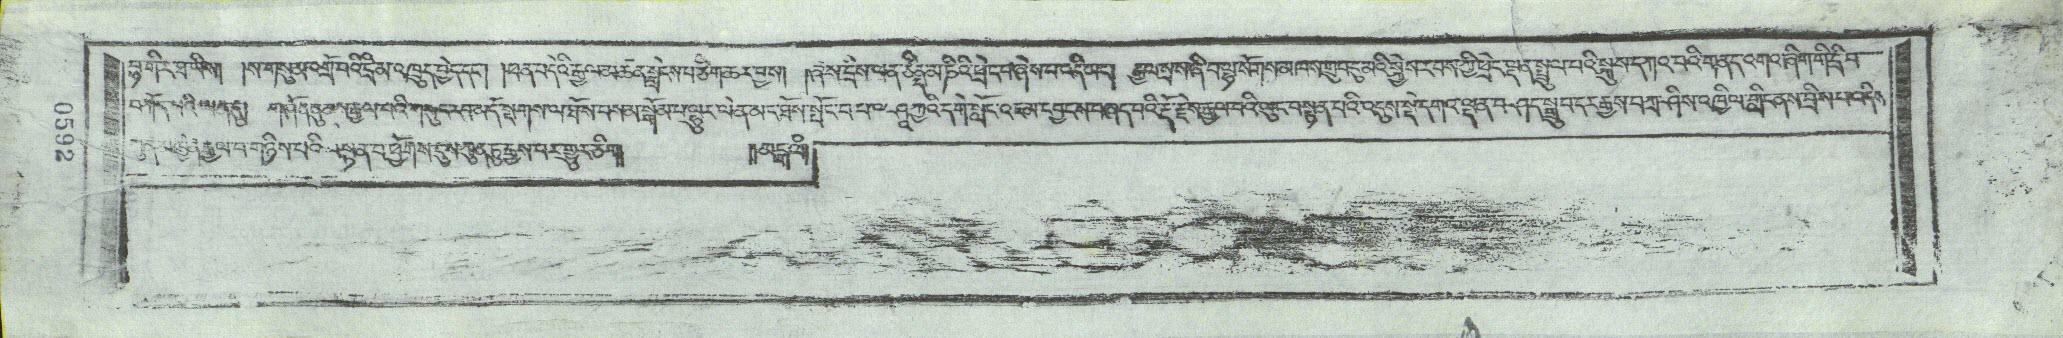བྷ་གིར་ཐ་ཡིས། །ས་གསུམ་འགྲོ་བའི་དྲི་མ་འཁྲུད་བྱེད་དང་། །ཕན་བདེའི་རྒྱལ་མཚན་སྒྲེངས་པ་ཅིག་ཆར་བྱས། །ཞས་དྲིས་ལན་ཙིནྡ་མ་ཎིའི་ཕྲེང་བ་ཞེས་པ་འདི་ཡང་། རྒྱལ་སྲས་ཞི་བ་ལྷ་སོགས་མཁས་གྲུབ་དུ་མའི་སྐྱེས་རབས་ཀྱི་ཕྲེང་ལྡན་སྤྲུལ་པའི་སྐུས་དཀའ་བའི་གནད་འགའ་ཞིག་གི་དྲི་བ་
བཀོད་པའི་ལན་དུ། གཞོན་ནུ་ནས་རྒྱལ་བའི་གསུང་རབ་མདོ་སྔགས་ལ་ཐོས་བསམ་སྒོམ་པ་ལྷུར་ལེན་མང་ཐོས་སྤོང་བ་བ་༧ཤཱཀྱའི་དགེ་སློང་འཇམ་དབྱངས་བཞད་པའི་རྡོ་རྗེས་རྒྱལ་བའི་ལུང་བསྟན་པའི་འདུས་སྡེ་དགའ་ལྡན་བཤད་སྒྲུབ་དར་རྒྱས་བཀྲ་ཤིས་འཁྱིལ་གླིང་ནས་བྲིས་པ་འདི་
ཀུན་མཁྱེན་རྒྱལ་བ་གཉིས་པའི་བསྟན་བ་ཕྱོགས་དུས་ཀུན་ཏུ་རྒྱས་བར་གྱུར་ཅིག། །།མངྒ་ལཾ།།